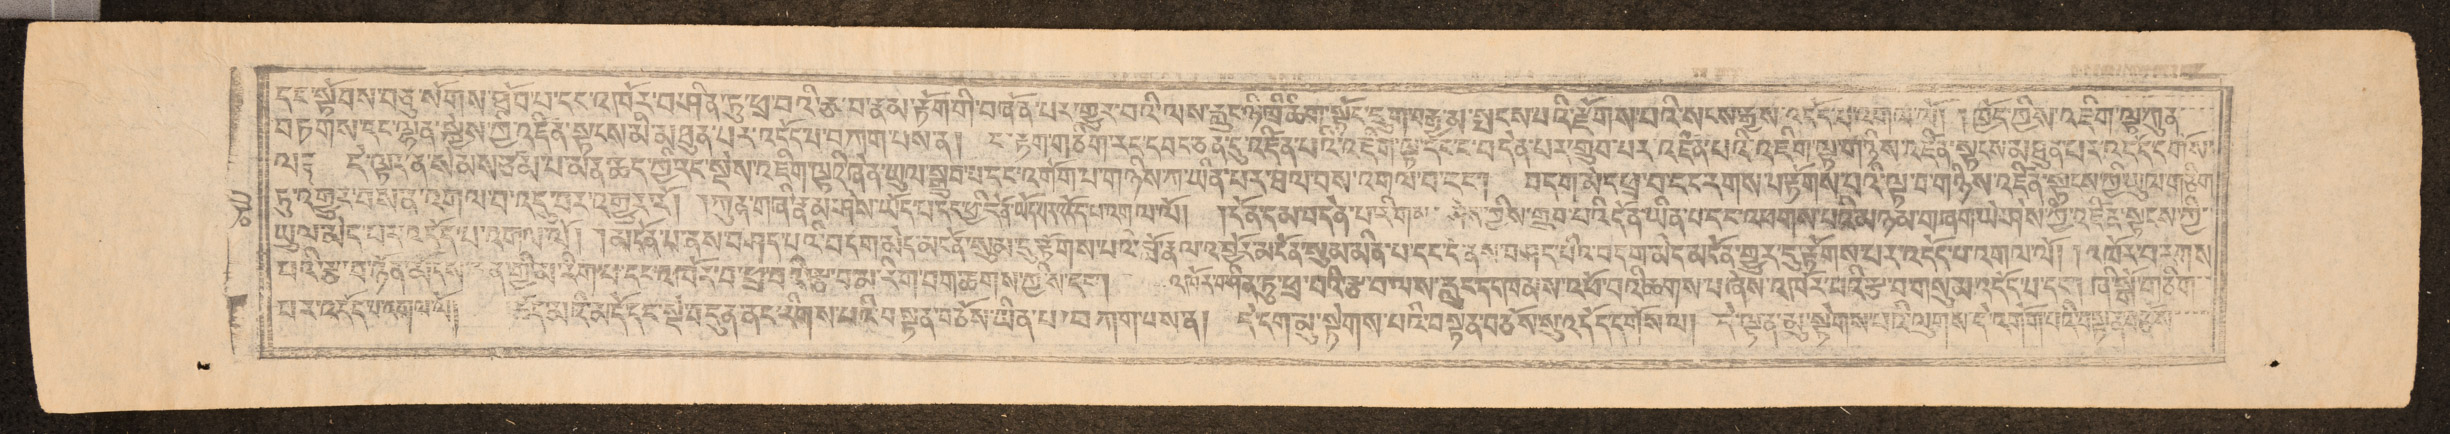དང་སྟོབས་བཅུ་སོགས་ཐོབ་པ་དང་འཁོར་བ་ཤིན་ཏུ་ཕྲ་བའི་རྩ་བ་རྣམ་རྟོག་གི་བཞོན་པར་གྱུར་བའི་ལས་རླུང་ཉི་ཁྲི་ཆིག་སྟོང་དྲུག་བརྒྱ་མ་སྤངས་པའི་རྫོགས་པའི་སངས་རྒྱས་འདོད་པ་འགལ་ལོ། །ཁྱོད་ཀྱིས་འཇིག་ལྟ་ཀུན་
བཏགས་དང་ལྷན་སྐྱེས་ཀྱི་འཛིན་སྟངས་མི་མཐུན་པར་འདོད་པ་བཀག་པས་ན། ད་རྟག་གཅིག་རང་དབང་ཅན་དུ་འཛིན་པའི་འཇིག་ལྟ་དང་ང་བདེན་པར་གྲུབ་པར་འཛིན་པའི་འཇིག་ལྟ་གཉིས་འཛིན་སྟངས་མཐུན་པར་འདོད་དགོས་
ལ༑ དེ་ལྟར་ན་སེམས་ཙམ་པ་མན་ཆད་ཀྱི་རང་སྡེས་འཇིག་ལྟའི་ཞེན་ཡུལ་སྒྲུབ་པ་དང་འགོག་པ་གཉིས་ཀ་ཡིན་པར་ཐལ་བས་འགལ་བ་དང་། བདག་མེད་ཕྲ་བ་དང་རགས་པ་རྟོགས་པའི་ལྟ་བ་གཉིས་འཛིན་སྟངས་ཀྱི་ཡུལ་གཅིག་
ཏུ་འགྱུར་བས་ན་འགལ་བ་འདུ་བར་འགྱུར་རོ། །ཀུན་གཞི་རྣམ་ཤེས་ཡོད་པ་དང་ཕྱི་དོན་ཡོད་པར་འདོད་པ་འགལ་ལོ། །དོན་དམ་བདེན་པ་རིགས་ཤེས་ཀྱིས་གྲུབ་པའི་དོན་ཡིན་པ་དང་འཕགས་པའི་མཉམ་གཞག་ཡེ་ཤེས་ཀྱི་འཛིན་སྟངས་ཀྱི་
ཡུལ་མེད་པར་འདོད་པ་འགལ་ལོ། །མངོན་པ་ནས་བཤད་པའི་བདག་མེད་མངོན་སུམ་དུ་རྟོགས་པའི་བློ་རྣལ་འབྱོར་མངོན་སུམ་མིན་པ་དང་དེ་ནས་བཤད་པའི་བདག་མེད་མངོན་གྱུར་དུ་རྟོགས་པར་འདོད་པ་འགལ་ལོ། །འཁོར་བ་རགས་
པའི་རྩ་བ་ཉོན་མོངས་ཅན་གྱི་མ་རིག་པ་དང་འཁོར་བ་ཕྲ་པའི་རྩ་བ་མ་རིག་བག་ཆགས་ཀྱིས་དང་། འཁོར་བ་ཤིན་ཏུ་ཕྲ་བའི་རྩ་བ་ལས་རླུང་དང་ཁམས་འཕོ་བའི་ཆགས་པ་ཞེས་འཁོར་བའི་རྩ་བ་གསུམ་འདོད་པ་དང་། ཞི་སྒོ་གཅིག་
པར་འདོ་པ་འགལ་ལོ། །ཚད་མའི་མདོ་དང་སྡེ་བདུན་ནང་རིགས་པའི་བསྟན་བཅོས་ཡིན་པ་བཀག་པས་ན། དེ་དག་མུ་སྟེགས་པའི་བསྟན་བཅོས་སུ་འདོད་དགོས་ལ། དེ་ལྟ་ན་མུ་སྟེགས་པའི་ལུགས་དེ་འགོག་པའི་བསྟན་བཅོས་